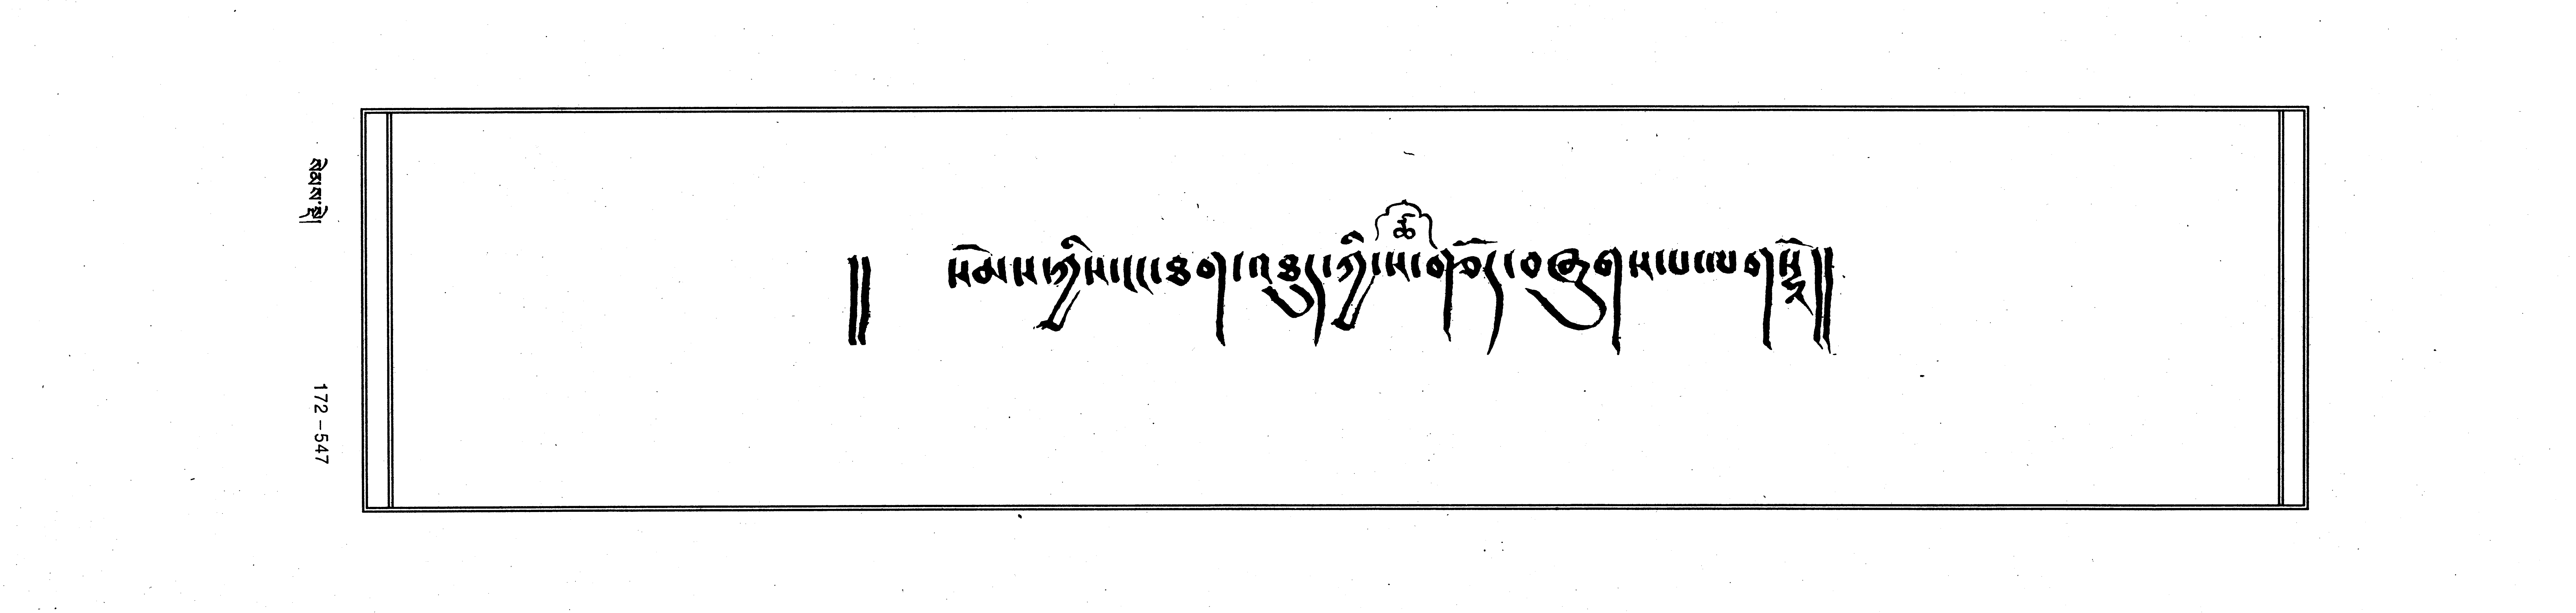༼ཚ༽སེམས་ཀྱིས་ངང་ཐག་འཐུད་ཀྱི་ས་གཅོད་བཞུགས་པ་ལགས་སྷཱོ།།